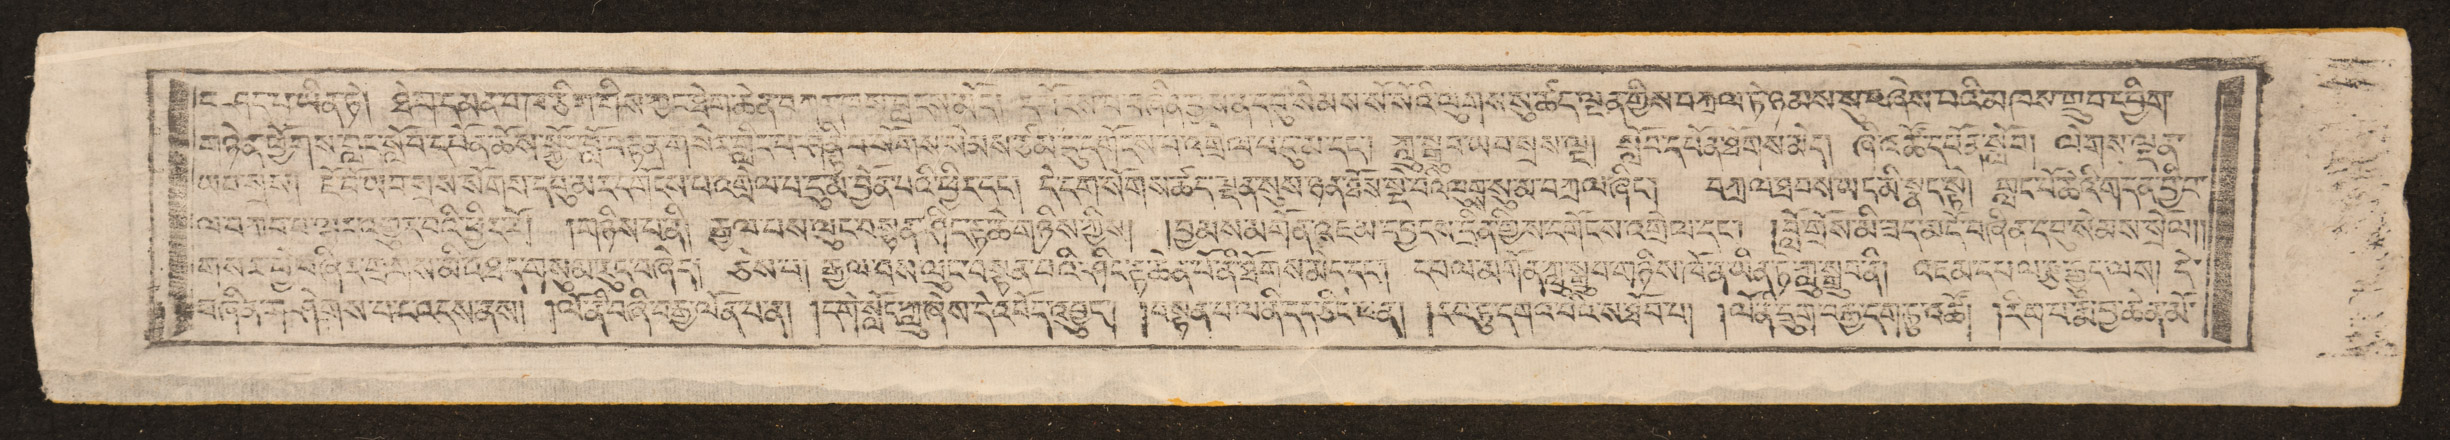བཤད་པ་ཡིན་ཏེ། ཐེག་དམན་པ་ཁ་ཅིག་གིས་ཀྱང་ཐེག་ཆེན་བཀར་ཁས་བླངས་མོད། དགོངས་པ་བཞིན་བྱས་ན་དབུ་སེམས་སོ་སོའི་ལུགས་སུ་ཚད་ལྡན་གྱིས་བཀྲལ་ཏེ་ཉམས་སུ་བཞེས་པའི་མཁས་གྲུབ་དབྱིག་
གཉེན་ཕྱོགས་གླང་སློབ་དཔོན་ཆོས་སྐྱོང་བློ་བརྟན་གསེར་གླིང་བ་ཤནྟི་པ་སོགས་སེམས་ཙམ་དུ་དགོངས་པ་འགྲེལ་བ་དུ་མ་དང་། ཀླུ་སྒྲུབ་ཡབ་སྲས་ལྔ། སློབ་དཔོན་ཐོགས་མེད། ཞི་འཚོ་དཔོན་སློབ། ལེགས་ལྡན་
ཡབ་སྲས། ཇོ་བོ་ཡབ་སྲས་སོགས་དབུ་མར་དགོངས་པ་འགྲེལ་བ་དུ་མ་བྱོན་པའི་ཕྱིར་དང་། དེ་དག་སོགས་ཚད་ལྡན་སུས་ཉན་ཐོས་སྡེ་བའི་ལུགས་སུ་མ་བཀྲལ་ཞིང་། བཀྲལ་ཐབས་ཡང་མི་སྣང་སྟེ། གླང་བོ་ཆེའི་གདན་བྱི་བ་
ལ་བཀབ་པ་ལྟར་འགྱུར་བའི་ཕྱིར་རོ། །གཉིས་པ་ནི། རྒྱལ་བས་ལུང་བསྟན་ཤིང་རྟ་ཆེ་གཉིས་ཀྱིས། །བྱམས་མགོན་འཇམ་དབྱངས་དྲིན་གྱིས་དགོངས་འགྲེལ་དང་། །བློ་གྲོས་མི་ཟད་མདོ་བཞིན་དབུ་སེམས་སྲོལ།།
གསར་ཕྱེ་བཞིར་གྲགས་མི་འཐད་གསུམ་རུང་བཞེད། ཅེས་པ། རྒྱལ་བས་ལུང་བསྟན་པའི་ཤིང་རྟ་ཆེན་པོ་ནི་ཐོགས་མེད་དང་། དཔལ་གྨྒོན་ཀླུ་སྒྲུབ་གཉིས་ཁོ་ན་ཡིན་ཏེ་ཀླུ་སྒྲུབ་ནི། འཇམ་དཔལ་རྩ་རྒྱུད་ལས། དེ་
བཞིན་གཤེགས་པ་ང་འདས་ནས། །ལོ་ནི་བཞི་བརྒྱ་ལོན་པ་ན། །དགེ་སློང་ཀླུ་ཞེས་དེ་འཕོད་འབྱུང་། །བསྟན་པ་ལ་ནི་དད་ཅིང་ཕན། །རབ་ཏུ་དགའ་བའི་ས་ཐོབ་པ། །ལོ་ནི་དྲུག་བརྒྱ་དག་ཏུ་འཚོ། །རིག་པ་རྨ་བྱ་ཆེན་མོ་